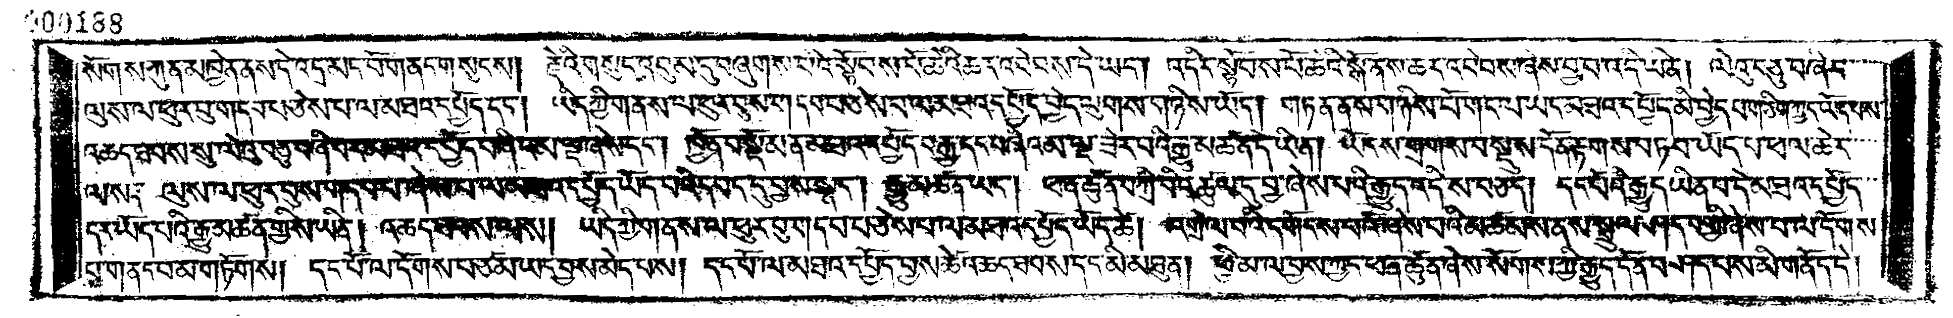སོགས་ཀུན་མཁྱེན་ནས་དེ་འདྲ་མང་པོ་གནང་གསུངས། རྗེའི་གསུང་འབུམ་དུ་བཞུགས་པའི་སྟོབས་པོ་ཆེའི་ཆར་འབེབས་དེ་ཡང་། འདིར་སྟོབས་པོ་ཆེའི་སྒོ་ནས་ཆར་འབེབས་ཞེས་བྱ་བ་འདི་ཡིན། ལེའུ་བཅུ་བཞི་པ་
ལུས་ལ་ཕུར་བུ་གདབ་པ་ཅེས་པ་ལ་མཐའ་དཔྱོད་དང་། ཡིད་ཀྱི་གནས་ལ་ཕུར་བུས་གདབ་པ་ཅེས་པ་ལ་མཐའ་དཔྱོད་བྱེད་ལུགས་གཉིས་ཡོད། གཏན་ནས་གཉིས་པོ་གང་ལ་ཡང་མཐའ་དཔྱོད་མི་བྱེད་པ་གཅིག་ཀྱང་ཡོད་པས་
འཆད་ཐབས་སུ་ལེའུ་བཅུ་བཞི་པར་མཐའ་དཔྱོད་བཞི་འམ་ལྔ་ཞེས་དང་། ཁྱོན་བསྡོམ་ན་མཐའ་དཔྱོད་བརྒྱ་དང་བཞིའམ་ལྔ་ཟེར་བའི་རྒྱུ་མཚན་དེ་ཡིན། ཡོངས་གྲགས་བསྡུས་དོན་རྟགས་བཏབ་ཡོད་པ་ཕལ་ཆེར་
ལས༑ ལུས་ལ་ཕུར་བུས་གདབ་པ་ཞེས་པ་ལ་མཐའ་དཔྱོད་ཡོད་པའི་དབང་དུ་བྱས་སྣང་། རྒྱུ་མཚན་ཡང་། ཕན་ཚུན་བཀྲི་བའི་ཚུལ་དུ་བྱ་ཞེས་པའི་རྒྱུད་འདི་ས་བཅད། དང་པོའི་རྒྱུད་ཡིན་པ་དེ་མཐའ་དཔྱོད་
དར་ཡོད་པའི་རྒྱུ་མཚན་གྱིས་ཡིན། འཆད་ཐབས་ལས། ཡིད་ཀྱི་གནས་ལ་ཕུར་བུ་གདབ་པ་ཅེས་པ་ལ་མཐའ་དཔྱོད་ཡོད་ཚེ། འགྲེལ་བའི་དགོངས་པའོ་ཞེས་པའི་མཚམས་ནས་སྤྲུལ་ཤད་བགྱི་ཞེས་པ་ལ་དོགས་
པ་གནང་བ་མ་གཏོགས། དང་པོ་ལ་དོགས་པ་ཙམ་ཡང་བྱས་མེད་པས། དང་པོ་ལ་མཐའ་དཔྱོད་བྱས་ཚེ་འཆད་ཐབས་དང་མི་མཐུན། ཕྱི་མ་ལ་བྱས་ཀྱང་ཕན་ཚུན་ཞེས་སོགས་ཀྱི་རྒྱུད་དོན་བཤད་པས་མི་གནོད་དེ།